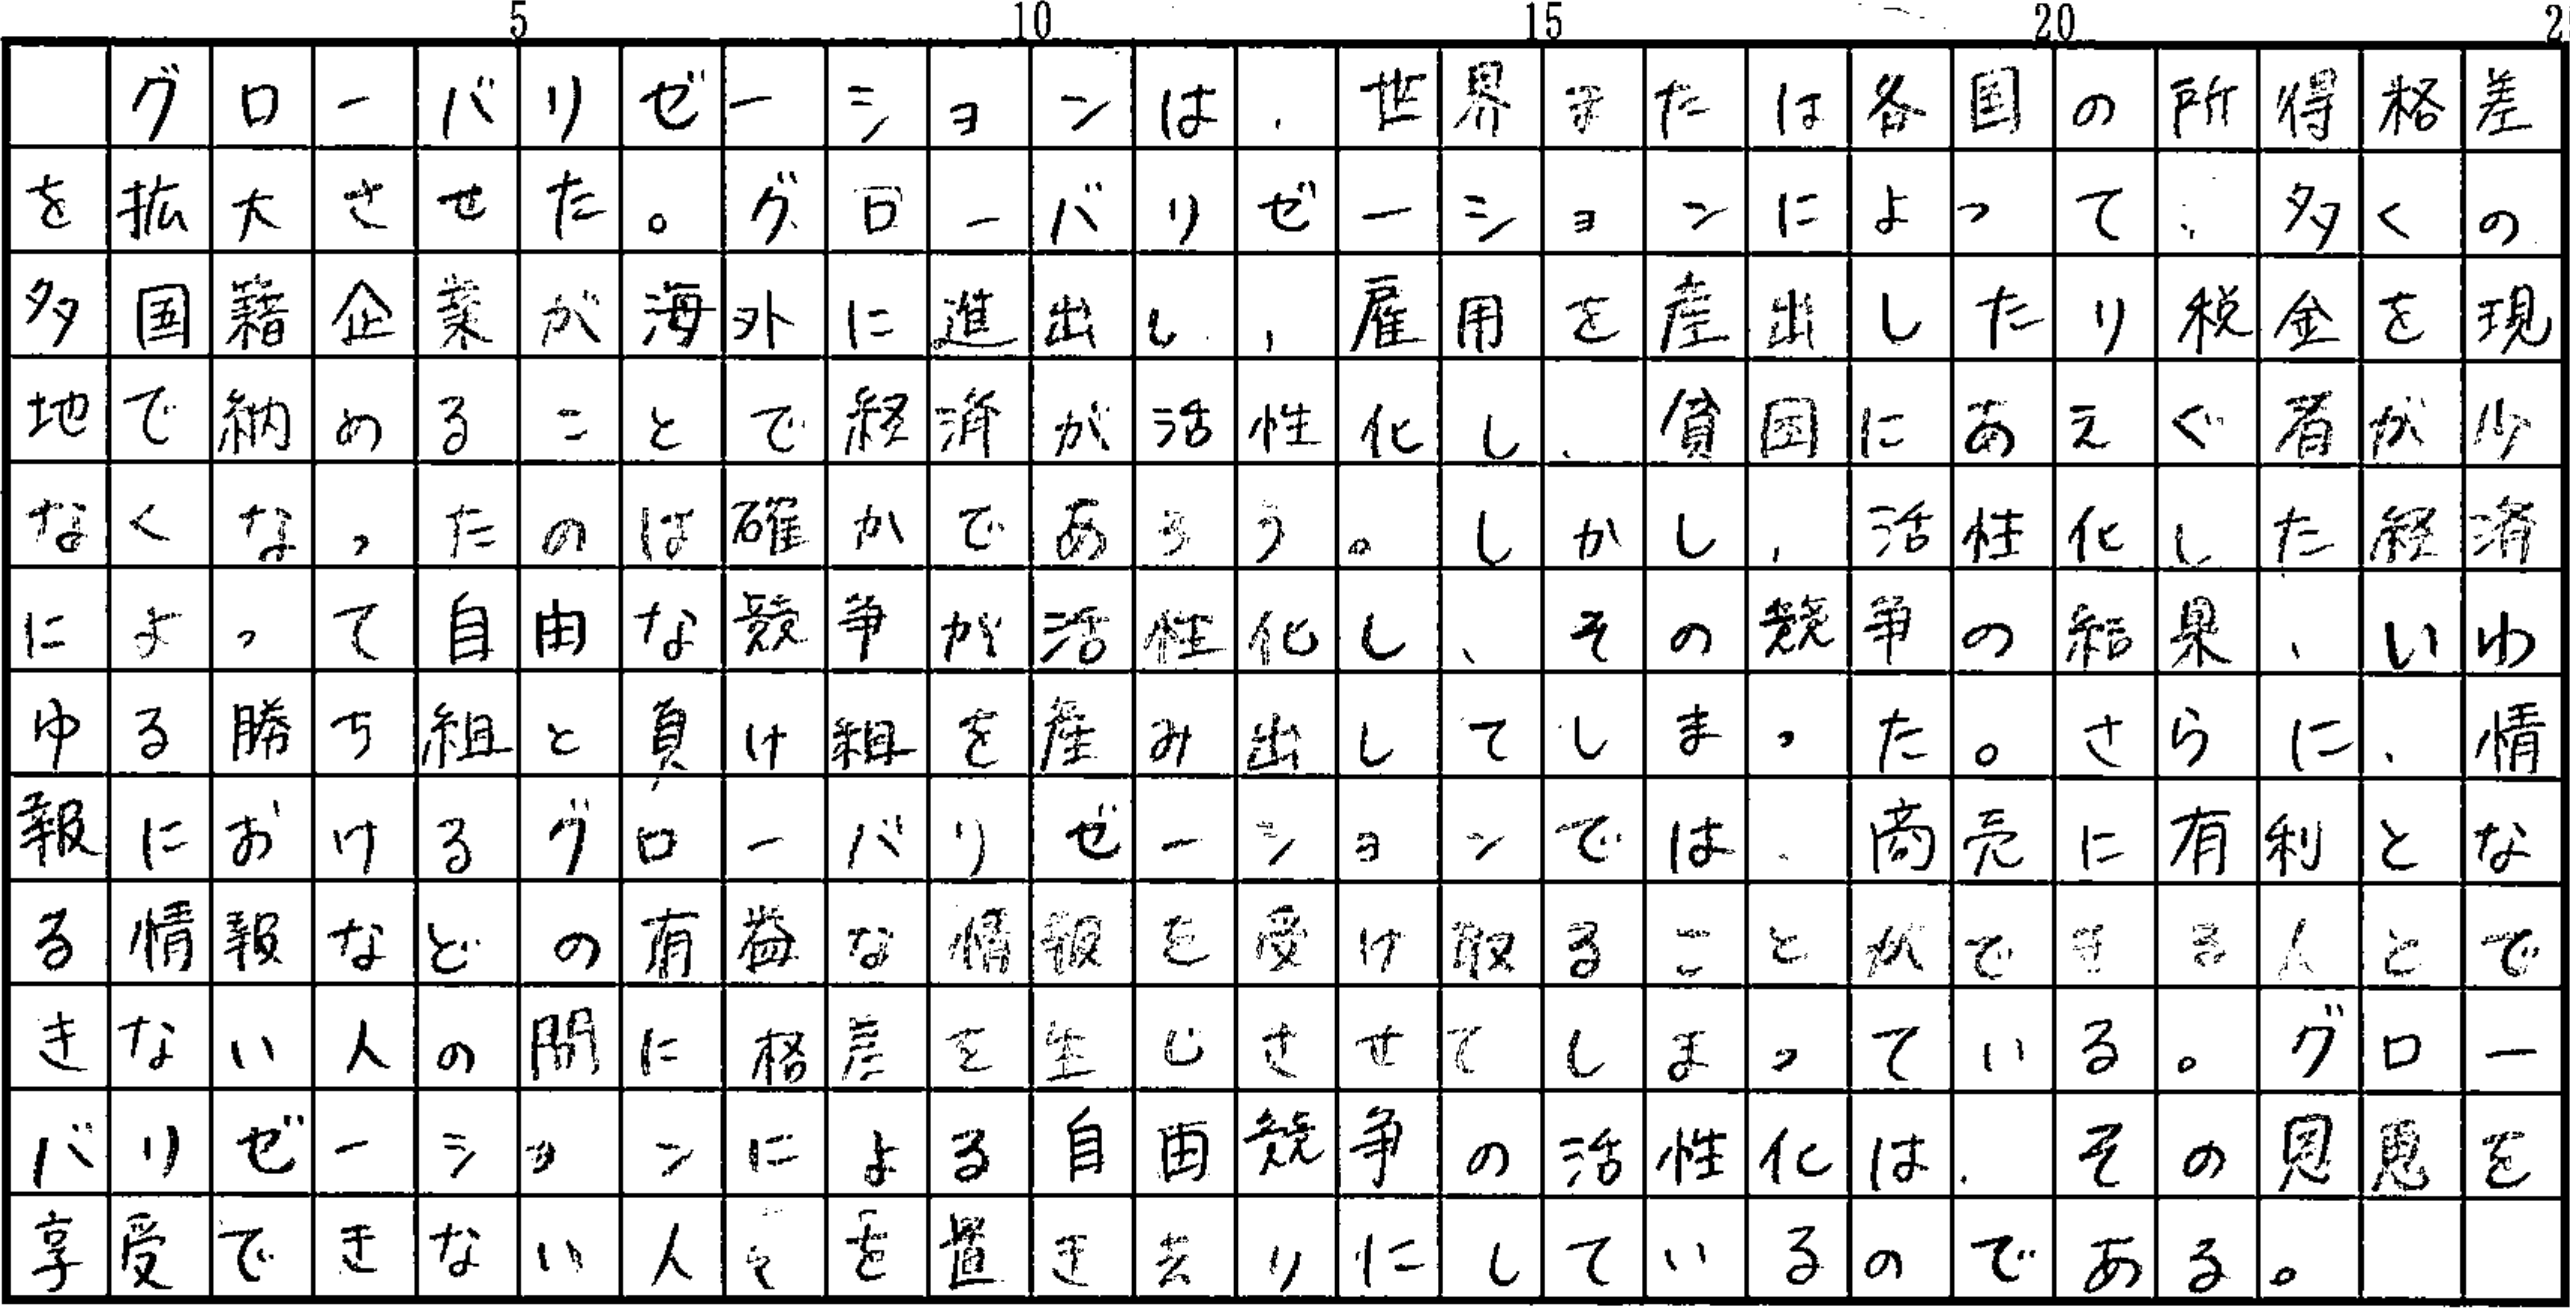　グローバリゼーションは、世界または各国の所得格差を拡大させた。グローバリゼーションによって、多くの多国籍企業が海外に進出し、雇用を産出したり税金を現地で納めることで経済が活性化し、貧困にあえぐ者が少なくなったのは確かであろう。しかし、活性化した経済によって自由な競争が活性化し、その競争の結果、いわゆる勝ち組と負け組を産み出してしまった。さらに、情報におけるグローバリゼーションでは、商売に有利となる情報などの有▁な情報を受け取ることができる人とできない人の間に格差を生じさせてしまっている。グローバリゼーションによる自由競争の活発化は、その恩恵を享受できない人々を置き去りにしているのである。
